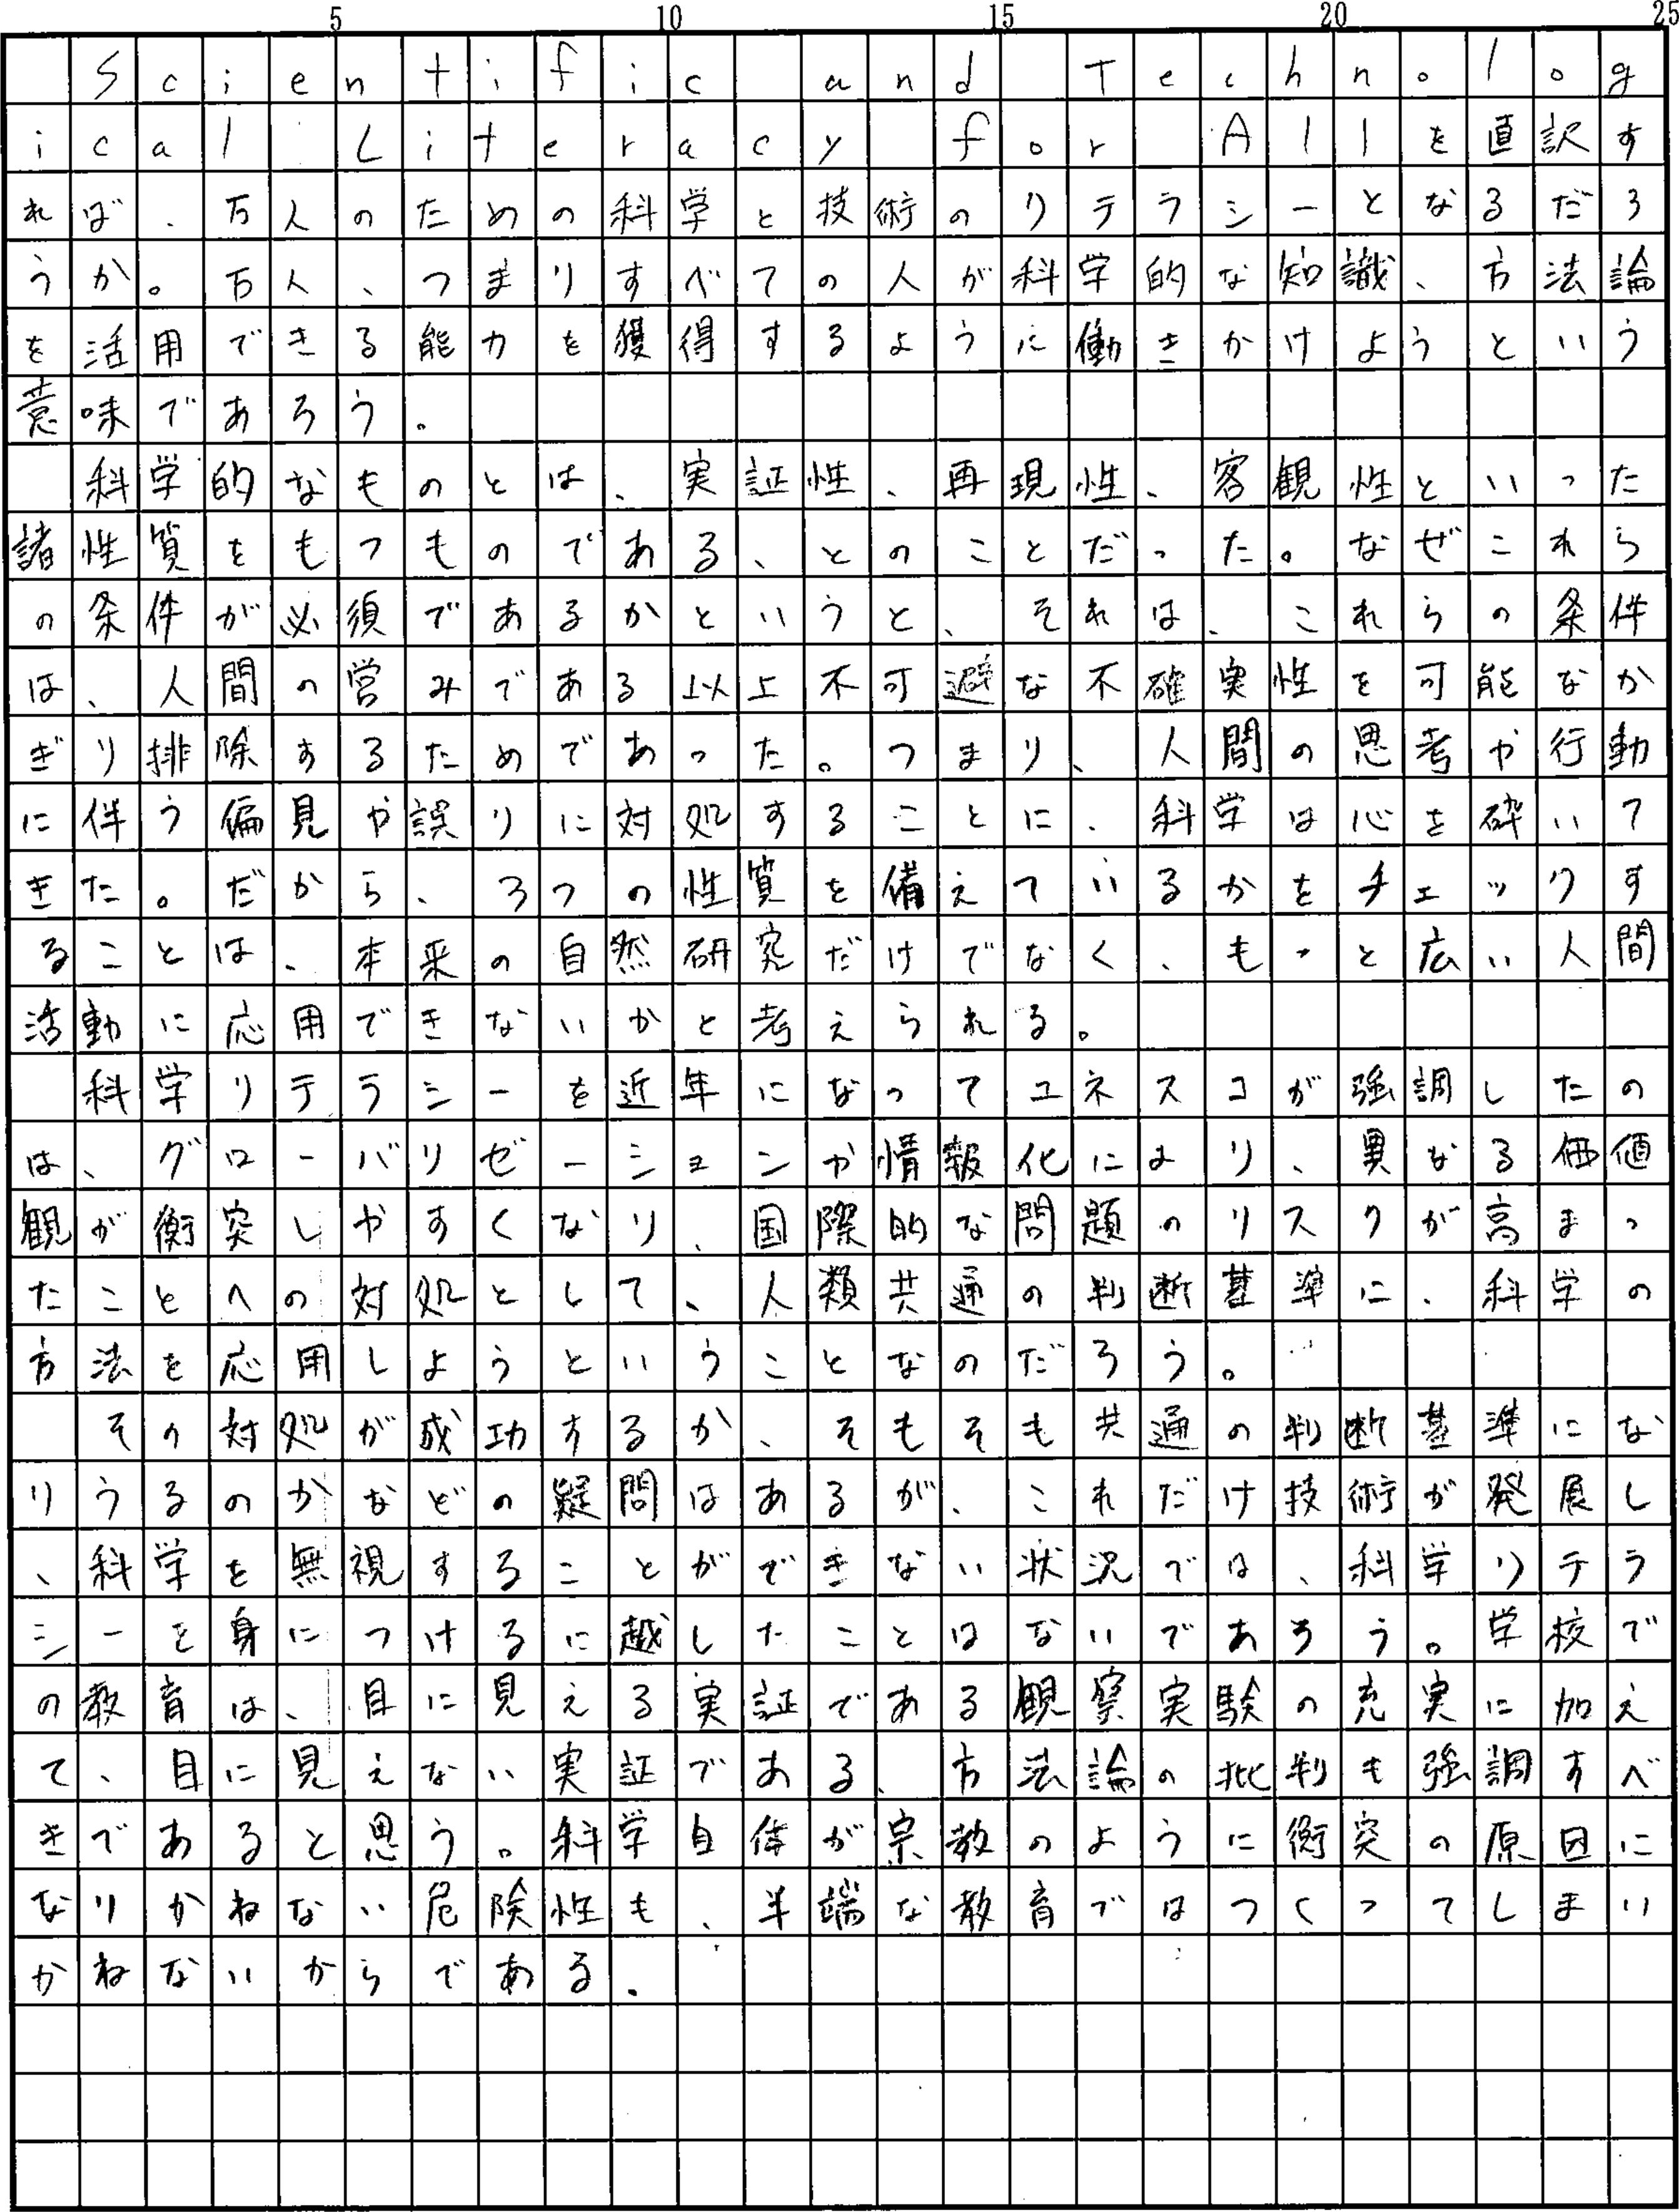　Ｓｃｉｅｎｔｉｆｉｃ　ａｎｄ　Ｔｅｃｈｎｏｌｏｇｉｃａｌ　Ｌｉｔｅｒａｃｙ　ｆｏｒ　Ａｌｌを直訳すれば、万人のための科学と技術のリテラシーとなるだろうか。万人、つまりすべての人が科学的な知識、方法論を活用できる能力を獲得するように働きかけようという意味であろう。
　科学的なものとは、実証性、再現性、客観性といった諸性質をもつものである、とのことだった。なぜこれらの条件が必須であるかというと、それは、これらの条件は、人間の営みである以上不可避な不確実性を可能なかぎり排除するためであった。つまり、人間の思考や行動に伴う偏見や誤りに対処することに、科学は心を砕いてきた。だから、３つの性質を備えているかをチェックすることは、本来の自然研究だけでなく、もっと広い人間活動に応用できないかと考えられる。
　科学リテラシーを近年になってユネスコが強調したのは、グローバリゼーションや情報化により、異なる価値観が衡突しやすくなり、国際的な問題のリスクが高まったことへの対処として、人類共通の判断基準に、科学の方法を応用しようということなのだろう。
　その対処が成功するか、そもそも共通の判断基準になりうるのかなどの疑問はあるが、これだけ技術が発展し、科学を無視することができない状況では、科学リテラシーを身につけるに越したことはないであろう。学校での教育は、目に見える実証である観察実験の充実に加えて、目に見えない実証である、方法論の批判も強調すべきであると思う。科学自体が宗教のように衡突の原因になりかねない危険性も、半端な教育ではつくってしまいかねないからである。
